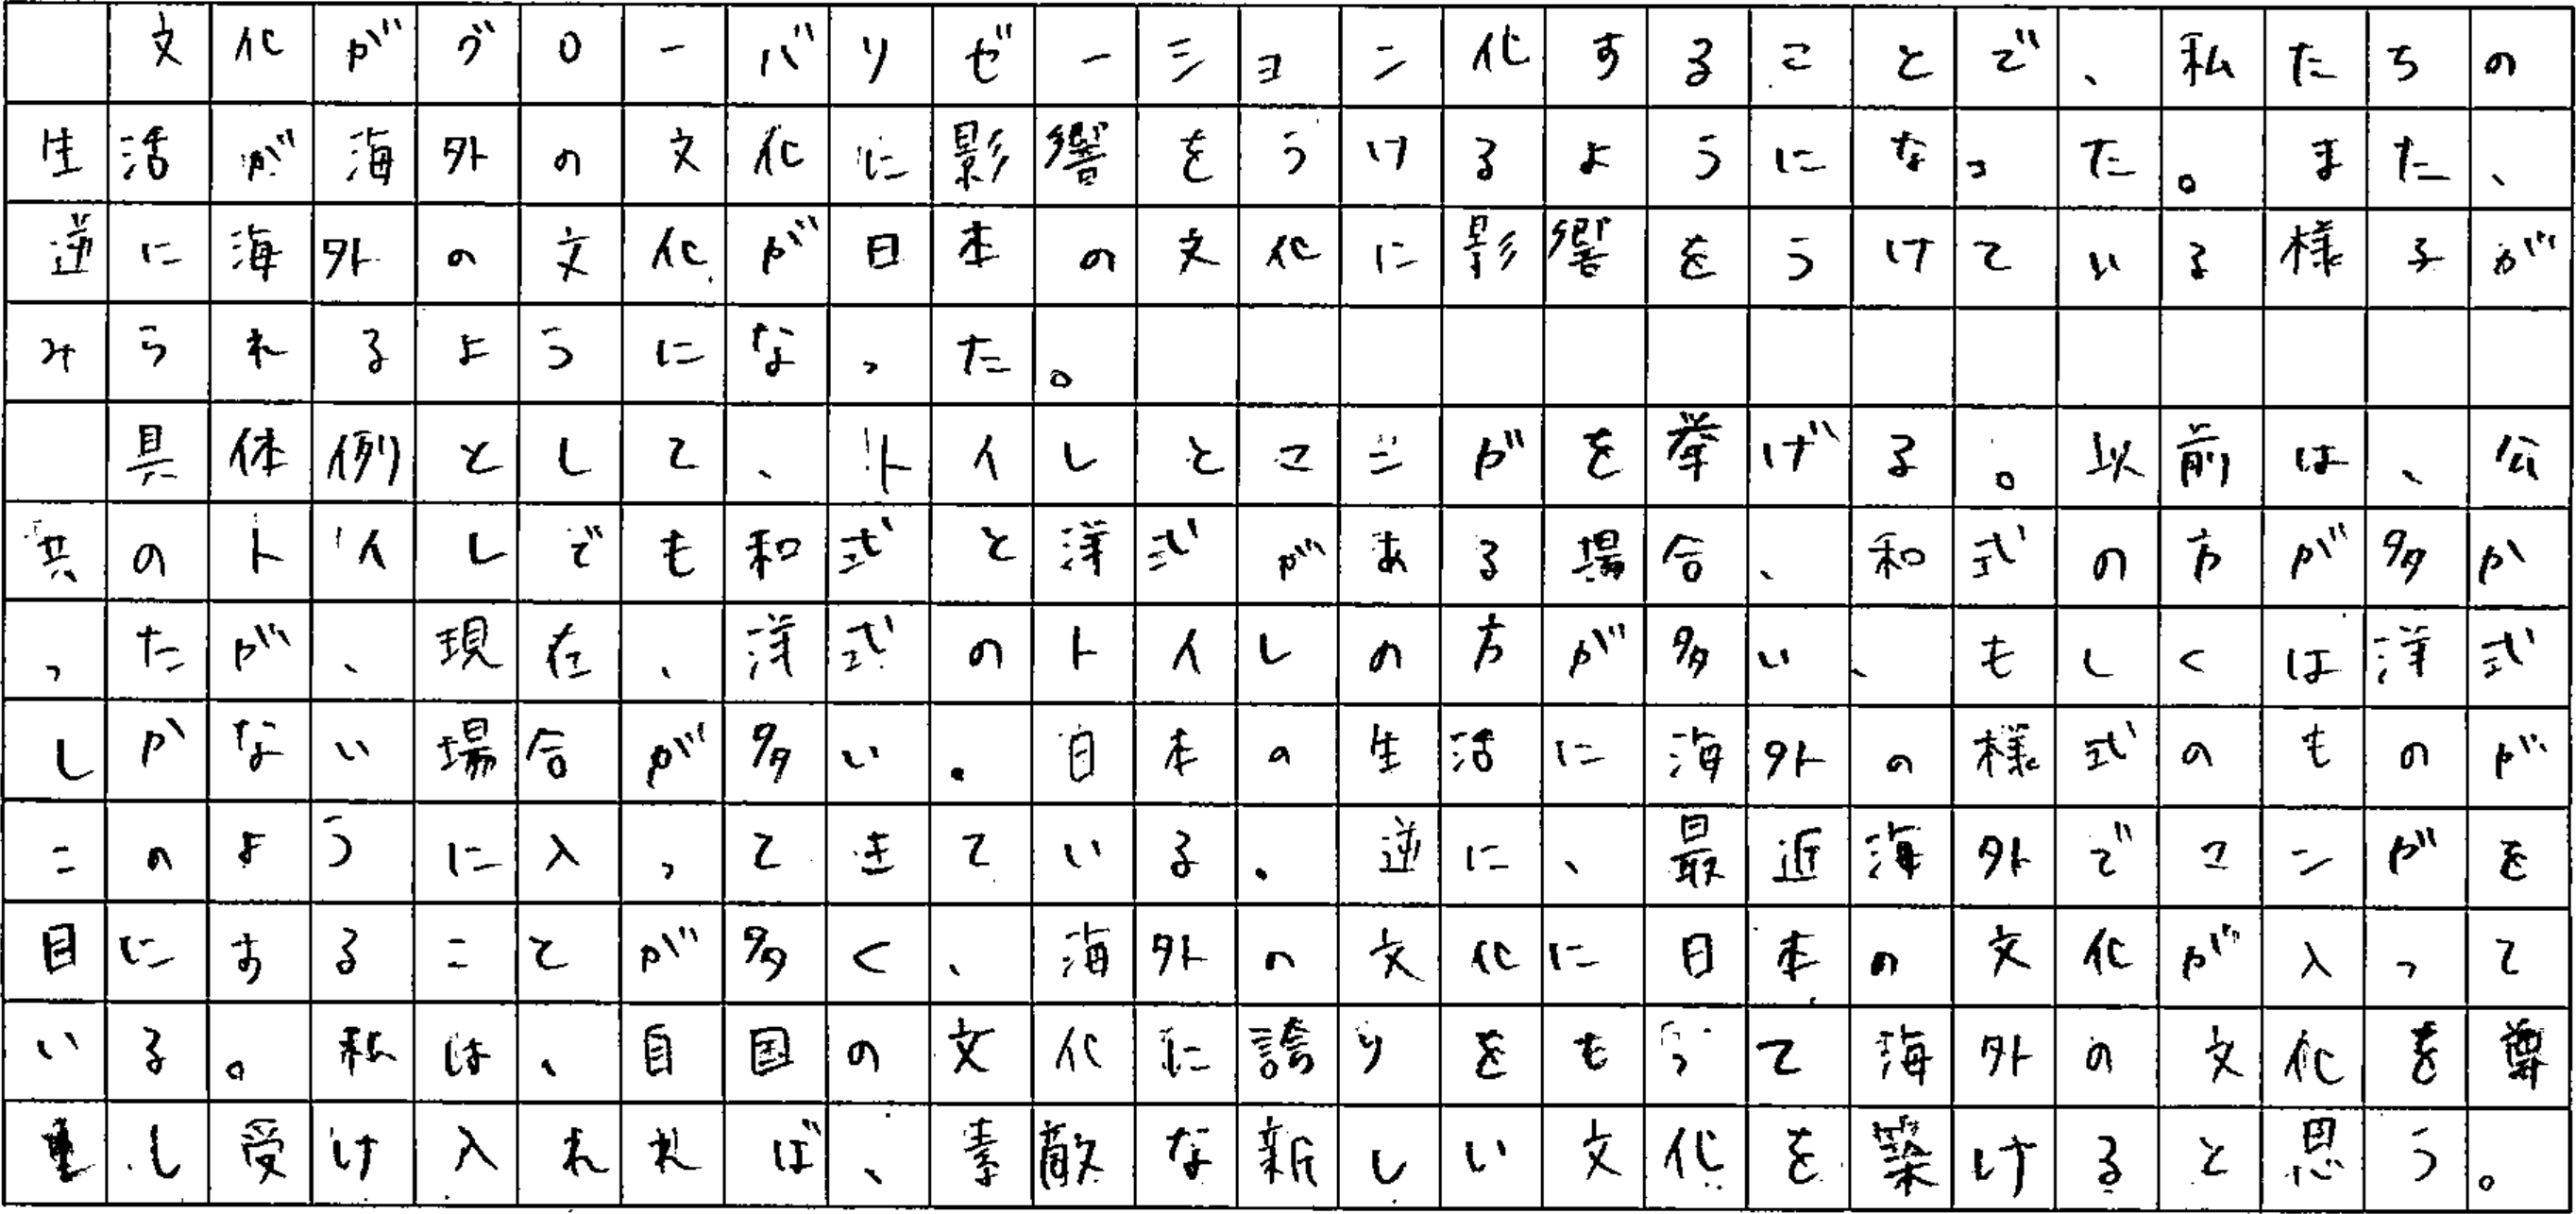　文化がグローバリゼーション化することで、私たちの生活が海外の文化に影響をうけるようになった。また、逆に海外の文化が日本の文化に影響をうけている様子がみられるようになった。
　具体例として、トイレとマンガを挙げる。以前は、公共のトイレでも和式と洋式がある場合、和式の方が多かったが、現在、洋式のトイレの方が多い、もしくは洋式しかない場合が多い。日本の生活に海外の様式のものがこのように入ってきている。逆に、最近海外でマンガを目にすることが多く、海外の文化に日本の文化が入っている。私は、自国の文化に誇りをもって海外の文化を尊重し受け入れれば、素敵な新しい文化を築けると思う。
